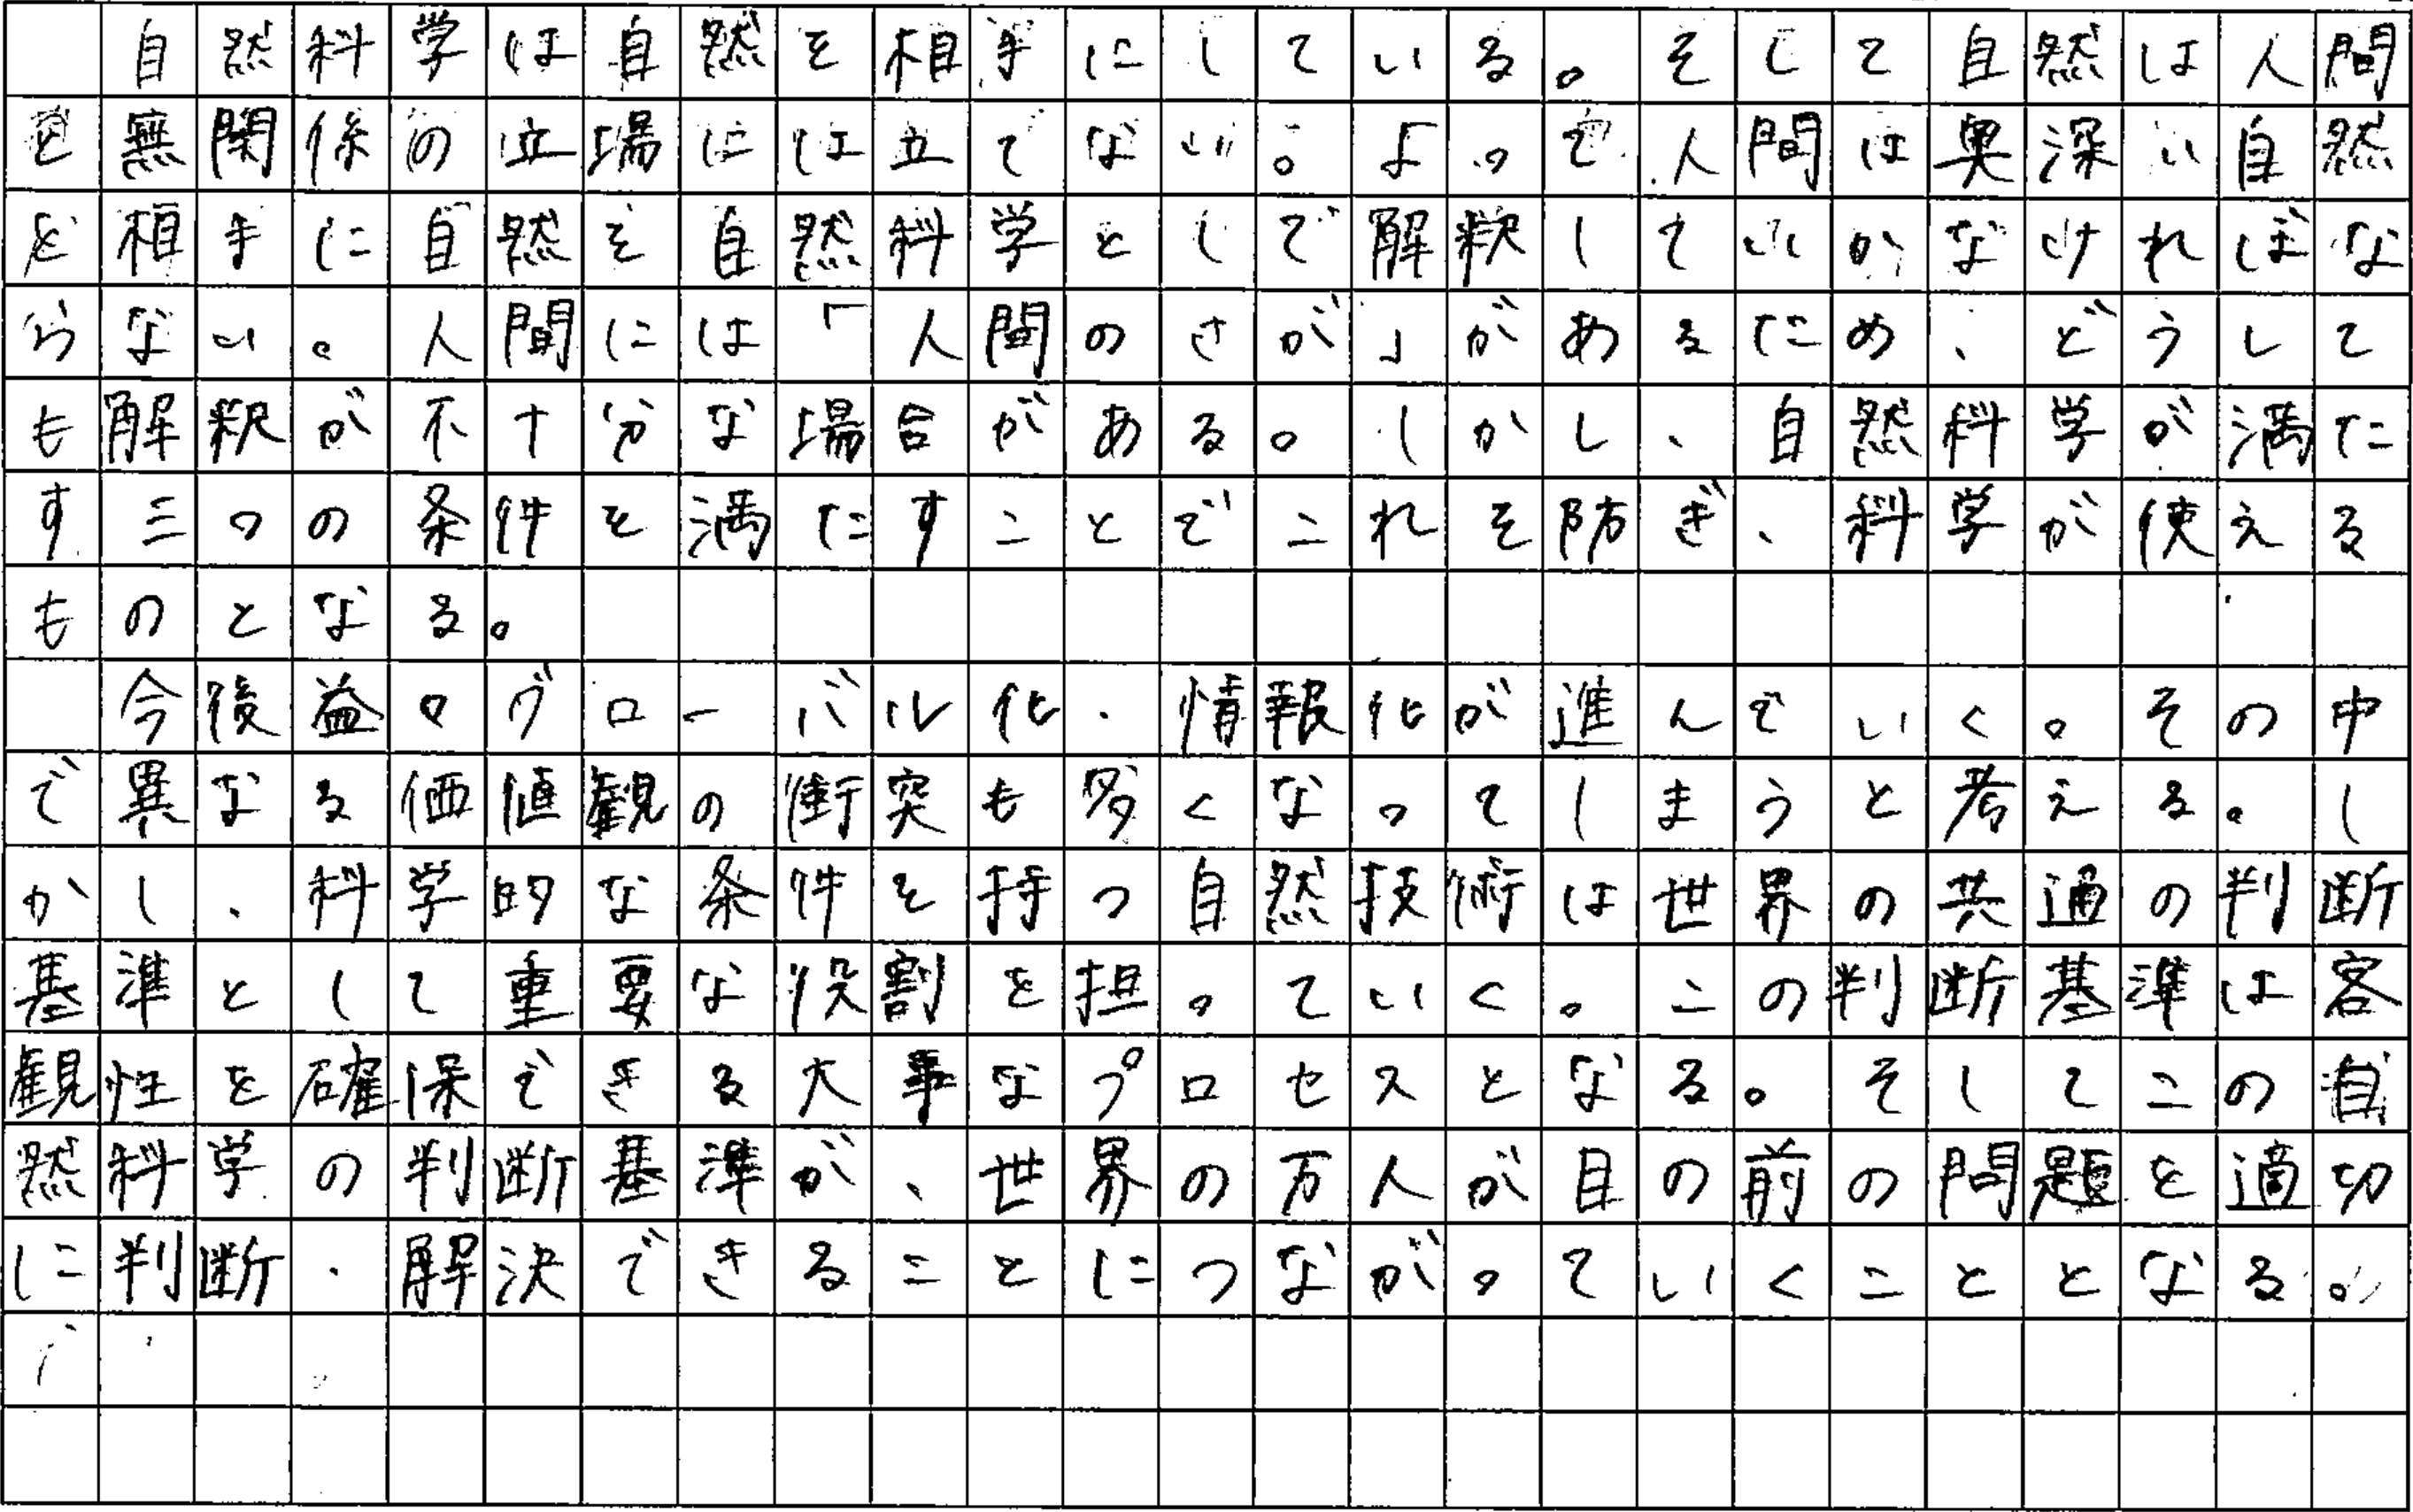自然科学は自然を相手にしている。そして自然は人間と無関係の立場には立てない。よって人間は奥深い自然を相手に自然を自然科学として解釈していかなければならない。人間には「人間のさが」があるため、どうしても解釈が不十分な場合がある。しかし、自然科学が満たす三つの条件を満たすことでこれを防ぎ、科学が使えるものとなる。
　今後益々グローバル化、情報化が進んでいく。その中で異なる価値観の衝突も多くなってしまうと考える。しかし、科学的な条件を持つ自然技術は世界の共通の判断基準として重要な役割を担っていく。この判断基準は客観性を確保できる大事なプロセスとなる。そしてこの自然科学の判断基準が、世界の万人が目の前の問題に判断、解決できることにつながっていくこととなる。
